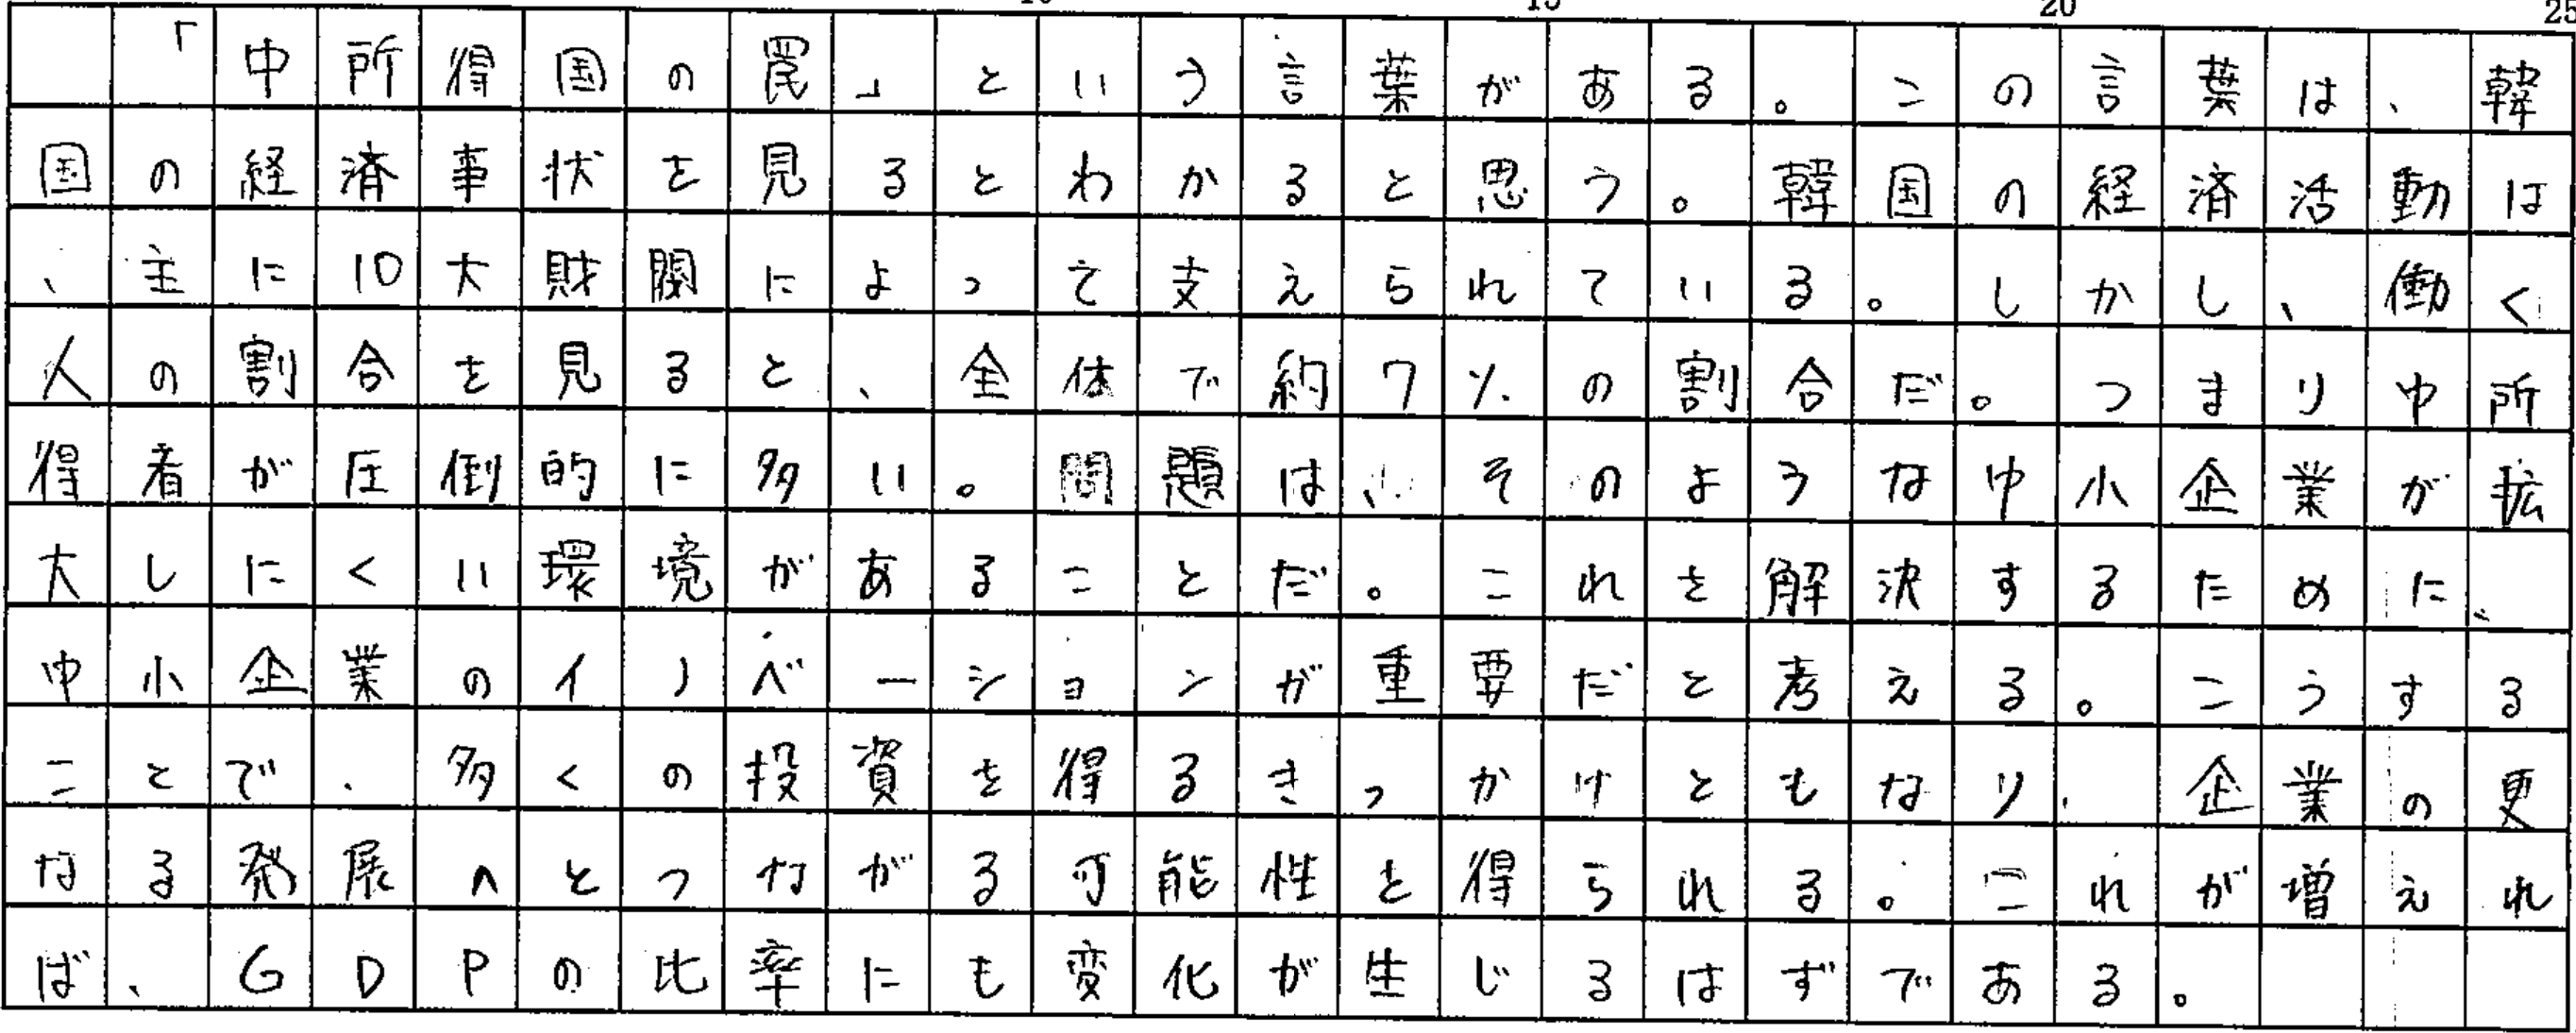　「中所得国の罠」という言葉がある。この言葉は、韓国の経済事状を見るとわかると思う。韓国の経済活動は、主に１０大財閥によって支えられている。しかし、働く人の割合を見ると、全体で約７％の割合だ。つまり中所得者が圧倒的に多い。問題は、そのような中小企業が拡大しにくい環境があることだ。これを解決するために、中小企業のイノベーションが重要だと考える。こうすることで、多くの投資を得るきっかけともなり、企業の更なる発展へとつながる可能性を得られる。これが増えれば、ＧＤＰの比率にも変化が生じるはずである。
